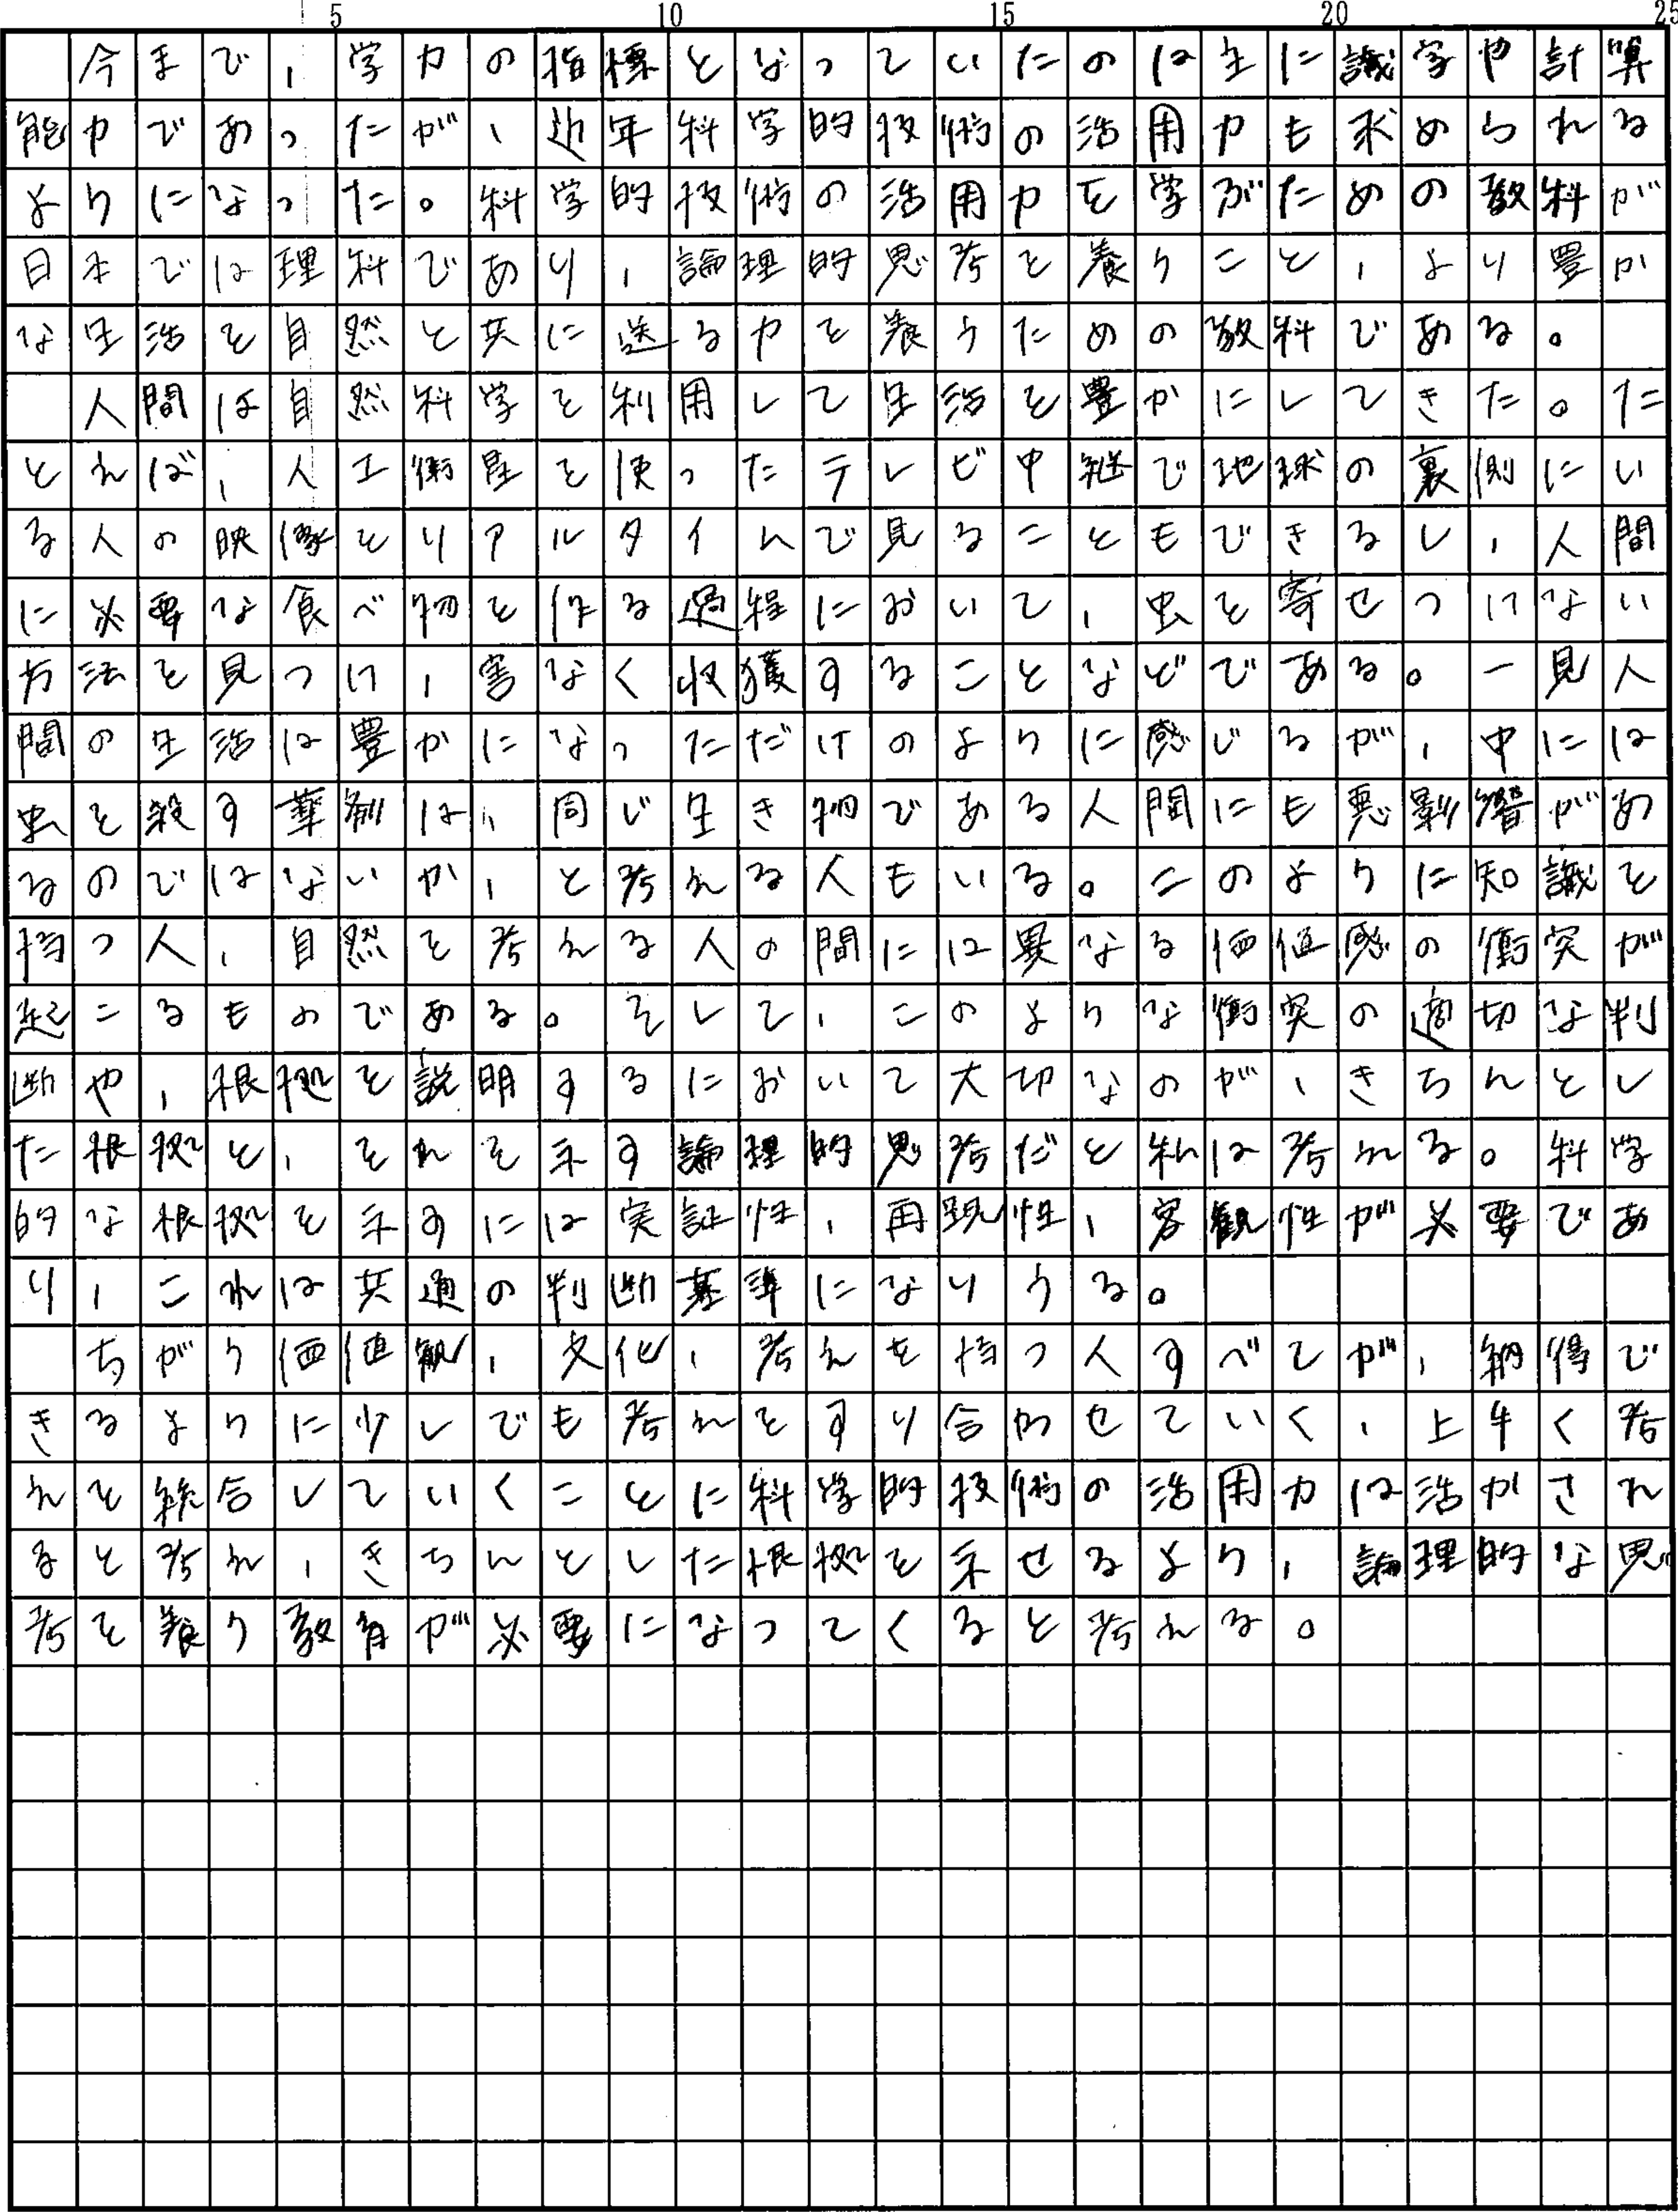　今まで、学力の指標となっていたのは主に識字や計算能力であったが、近年科学的技術の活用力も求められるようになった。科学的技術の活用力を学ぶための教科が日本では理科であり、論理的思考を養うこと、より豊かな生活を自然と共に送る力を養うための教科である。
　人間は自然科学を利用して生活を豊かにしてきた。たとえば、人工衛星を使ったテレビ中継で地球の裏側にいる人の映像をリアルタイムで見ることもできるし、人間に必要な食べ物を作る過程において、虫を寄せつけない方法を見つけ、害なく収獲することなどである。一見人間の生活は豊かになっただけのように感じるが、中には虫を殺す薬剤は、同じ生き物である人間にも悪影響があるのではないか、と考える人もいる。このように知識を持つ人、自然を考える人の間には異なる価値感の衝突が起こるものである。そして、このような衝突の適切な判断や、根拠を説明するにおいて大切なのが、きちんとした根拠と、それを示す論理的思考だと私は考える。科学的な根拠を示すには実証性、再現性、客観性が必要であり、これは共通の判断基準になりうる。
　ちがう価値観、文化、考えを持つ人すべてが、納得できるように少しでも考えをすり合わせていく、上手く考えを統合していくことに科学的技術の活用力は活かされると考え、きちんとした根拠を示せるよう、論理的な思考を養う教育が必要になってくると考える。
